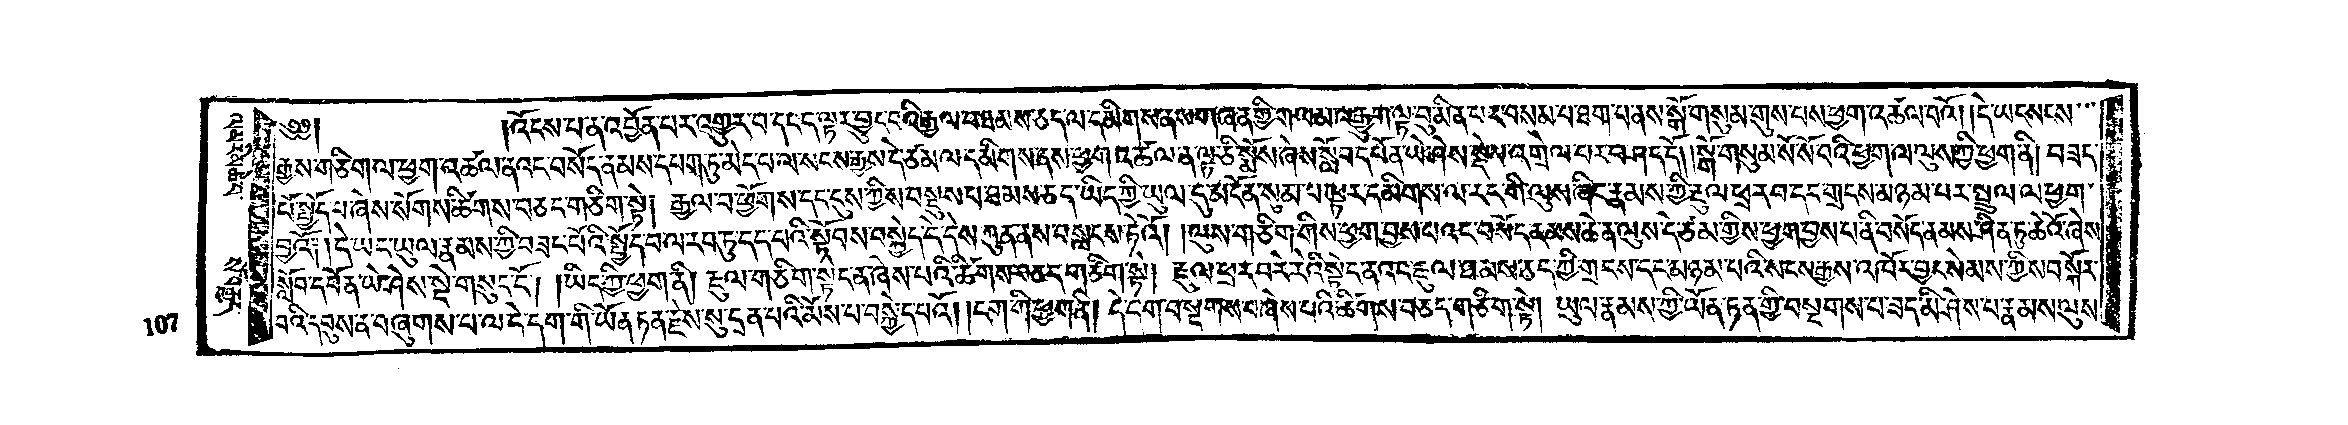༄༅། །འོངས་པ་ན་འབྱོན་པར་འགྱུར་བ་དང་ད་ལྟར་བྱུང་བའི་རྒྱལ་བ་ཐམས་ཅད་ལ་དམིགས་ནས་གཞན་གྱི་གཡམ་ལ་རྒྱུག་ལྟ་བུ་མིན་པར་བསམ་པ་ཐག་པ་ནས་སྒོ་གསུམ་གུས་པས་ཕྱག་འཚལ་བའོ། །དེ་ཡང་སངས་
རྒྱས་གཅིག་ལ་ཕྱག་འཚལ་ནའང་བསོད་ནམས་དཔག་ཏུ་མེད་པ་ལ་སངས་རྒྱས་དེ་ཙམ་ལ་དམིགས་ནས་ཕྱག་འཚལ་ན་ལྟ་ཅི་སྨོས་ཞེས་སློབ་དཔོན་ཡེ་ཤེས་སྡེས་འགྲེལ་པར་བཤད་དོ། །སྒོ་གསུམ་སོ་སོ་བའི་ཕྱག་ལ་ལུས་ཀྱི་ཕྱག་ནི། བཟང་
པོ་སྤྱོད་པ་ཞེས་སོགས་ཚིགས་བཅད་གཅིག་སྟེ། རྒྱལ་བ་ཕྱོགས་དང་དུས་ཀྱིས་བསྡུས་པ་ཐམས་ཅད་ཡིད་ཀྱི་ཡུལ་དུ་མངོན་སུམ་པ་ལྟར་དམིགས་ལ་རང་གི་ལུས་ཞིང་རྣམས་ཀྱི་རྡུལ་ཕྲ་རབ་དང་གྲངས་མཉམ་པར་སྤྲུལ་ལ་ཕྱག་
བྱའོ༑ ༑དེ་ཡང་ཡུལ་རྣམས་ཀྱི་བཟང་པོའི་སྤྱོད་པ་ལ་རབ་ཏུ་དད་པའི་སྟོབས་བསྐྱེད་དེ་དེས་ཀུན་ནས་བསླངས་ཏེའོ། །ལུས་གཅིག་གིས་ཕྱག་བྱས་པའང་བསོད་ནམས་ཆེ་ན་ལུས་དེ་ཙམ་གྱིས་ཕྱག་བྱས་པ་ནི་བསོད་ནམས་ཤིན་ཏུ་ཆེའོ་ཞེས་
སློབ་དཔོན་ཡེ་ཤེས་སྡེ་གསུང་ངོ། །ཡིད་ཀྱི་ཕྱག་ནི། རྡུལ་གཅིག་སྟེང་ན་ཞེས་པའི་ཚིགས་བཅད་གཅིག་སྟེ། རྡུལ་ཕྲ་རབ་རེ་རེའི་སྟེང་ནའང་རྡུལ་ཐམས་ཅད་ཀྱི་གྲངས་དང་མཉམ་པའི་སངས་རྒྱས་འཁོར་བྱང་སེམས་ཀྱིས་བསྐོར་
བའི་དབུས་ན་བཞུགས་པ་ལ་དེ་དག་གི་ཡོན་ཏན་རྗེས་སུ་དྲན་པའི་མོས་པ་བསྐྱེད་བའོ། །ངག་གི་ཕྱག་ནི། དེ་དག་བསྔགས་བ་ཞེས་པའི་ཚིགས་བཅད་གཅིག་སྟེ། ཡུལ་རྣམས་ཀྱི་ཡོན་ཏན་གྱི་བསྔགས་པ་ཟད་མི་ཤེས་པ་རྣམས་ལུས་